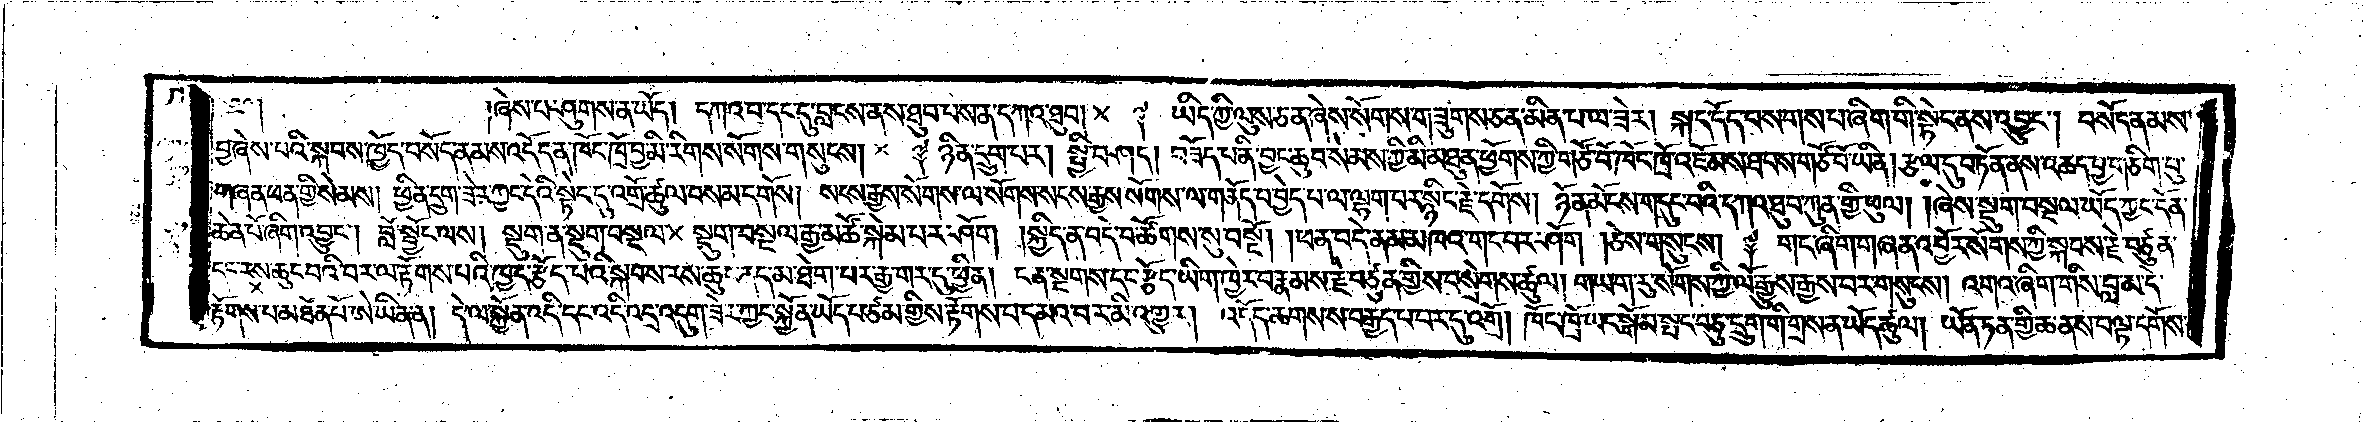༄༅། །ཞེས་པ་ཤུགས་ན་ཡོད། དཀའ་བ་དང་དུ་བླངས་ནས་ཐུབ་པས་ན་དཀའ་ཐུབ། ྾་༈ ཡིད་ཀྱི་ལུས་ཅན་ཞེས་སོགས་གཟུགས་ཅན་མིན་པ་ལ་ཟེར། སྐད་དོད་བསགས་པ་ཞིག་གི་སྟེང་ནས་འབྱུང་། བསོད་ནམས་
བྱ་ཞེས་པའི་སྐབས་ཁྱོད་བསོད་ནམས་འདོད་ན་ཁོང་ཁྲོ་བྱ་མི་རིགས་སོགས་གསུངས། ྾་༈ ཉིན་དྲུག་པར། སྤྱི་བཤད། བཟོད་པ་ནི་བྱང་ཆུབ་སེམས་ཀྱི་མི་མཐུན་ཕྱོགས་ཀྱི་གཙོ་བོ་ཁོང་ཁྲོ་འཇོམས་ཐབས་གཙོ་བོ་ཡིན། རྩལ་དུ་བཏོན་ནས་འཆད་བྱ་གཅིག་བུ་
གཞན་ཕན་གྱི་སེམས། ཕྱིན་དྲུག་ཟེར་ཀྱང་དེའི་སྟེང་དུ་འགྲོ་ཚུལ་བསམ་དགོས། སངས་རྒྱས་སོགས་ལ་སོགས་སངས་རྒྱས་སོགས་ལ་གནོད་བ་བྱེད་པ་ལ་ལྷག་བར་སྙིང་རྗེ་དགོས། ཉོན་མོངས་གདུང་བའི་དཀའ་ཐུབ་ཀུན་གྱི་ཕུལ། །ཞེས་སྡུག་བསྔལ་ཡོད་ཀྱང་དོན་
ཆེན་པོ་ཞིག་འབྱུང་། བློ་སྦྱོང་ལས། སྡུག་ན་སྡུག་བསྔལ་྾་སྡུག་བསྔལ་རྒྱ་མཚོ་སྐེམ་པར་ཤོག །སྐྱིད་ན་བདེ་བ་ཚོགས་སུ་བསྔོ། །ཕན་བདེ་ནམ་མཁའ་གང་བར་ཤོག །ཅེས་གསུངས། ༈ གང་ཞིག་གཞན་འབྱོར་སོགས་ཀྱི་སྐབས་རྗེ་བཙུན་
དང་རས྾་ཆུང་བའི་བར་ལ་རྟོགས་པའི་ཁྱད་རྩོད་པའི་སྐབས་རས་ཆུང་ནད་མ་ཐེག་པར་རྒྱ་གར་དུ་ཕྱིན། ངན་སྔགས་དང་རྩོད་ཡིག་ཁྱེར་བ་རྣམས་རྗེ་བཙུན་གྱིས་བསྲེགས་ཚུལ། གཡག་རུ་སོགས་ཀྱི་ལོ་རྒྱུས་རྒྱས་བར་གསུངས། འགའ་ཞིག་གིས་བླ་མ་དེ་
རྟོགས་པ་མཐོན་པོ་ཨེ་ཡིན་ན། དེ་ལ་སྐྱོན་འདི་དང་འདི་འདྲ་འདུག་ཟེར་ཀྱང་སྐྱོན་ཡོད་པ་ཙམ་གྱིས་རྟོགས་པ་དམའ་བར་མི་འགྱུར། འདོད་ཆགས་ས་བརྒྱད་པ་བར་དུ་འགྲོ། ཁོང་ཁྲོ་ཡང་སྒོམ་སྤང་བཅུ་དྲུག་གི་གྲས་ན་ཡོད་ཚུལ། ཡོན་ཏན་གྱི་ཆ་ནས་བལྟ་དགོས་